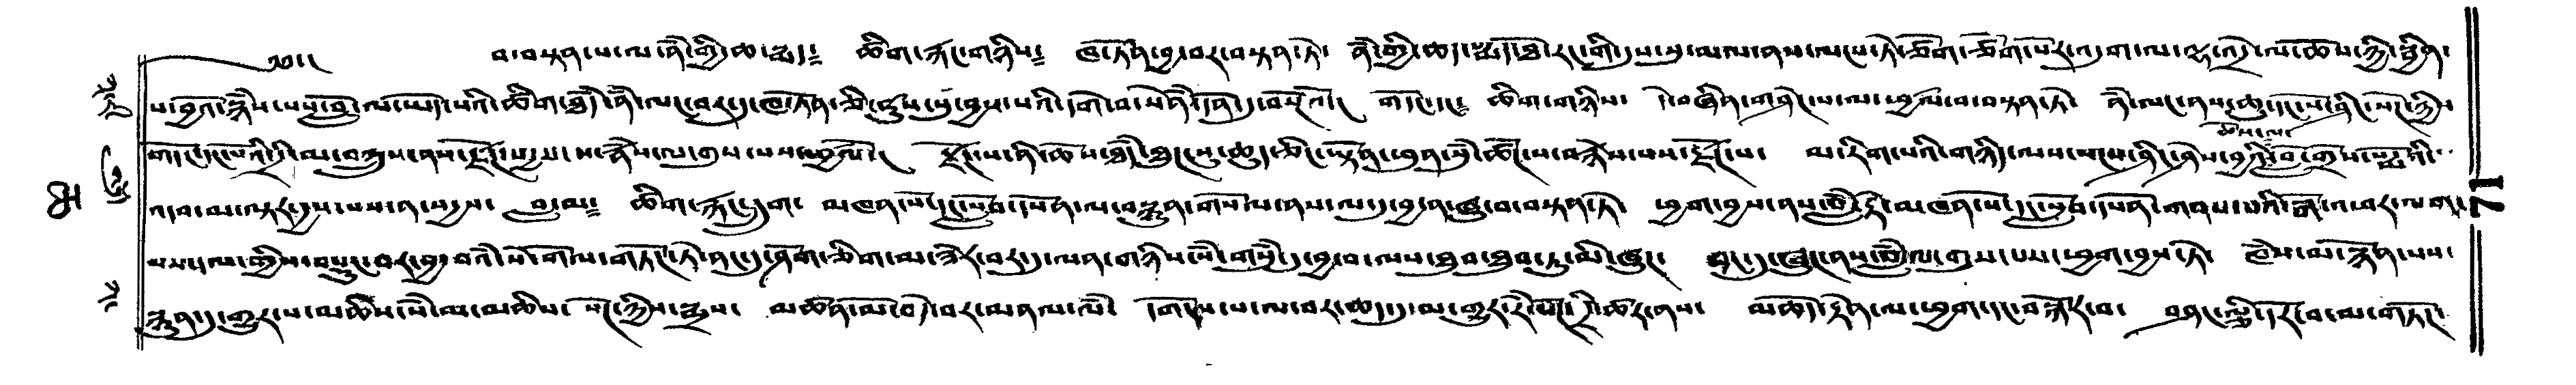བ་བསྟན་པ་ལ། ནམ་གྱི་ཆ་སྨད༴ ཚིག་རྐང་གཉིས། ཁ་ཏོན་བྱ་བར་བསྟན་ཏེ། ནམ་གྱི་ཆ་སྨད་ཐོ་རངས་ཀྱི་དུས་སུ་མལ་ནས་ལངས་ཏེ་ཙོག་ཙོག་པོར་འདུག་ལ་ལྷ་འདྲེ་ལ་ཆོས་ཀྱི་སྦྱིན་
པ་བྱའོ་སྙམ་པས་བློ་ལ་ཡོད་པའི་ཚིག་ཐམས་ཅད་ནམ་ལང་བར་དུ་ཁ་ཏོན་ཅི་ནུས་སུ་བྱས་པའི་དགེ་བ་སེམས་ཅན་གྱི་དོན་དུ་བསྔོའོ། གདོང་དང༴ ཚིག་གཉིས། དེ་བཞིན་གཤེགས་པ་ལ་ཕྱག་འཚལ་བ་བསྟན་ཏེ། ནམ་ལངས་ནས་ཆུ་དང་སོ་ཤིང་སོགས་ཀྱི་
གདོང་དང་སོའི་དྲི་མ་བཀྲུས་ནས་རྫོགས་སངས་རྒྱས་པ་རྣམས་ལ་གུས་པས་ཕྱག་འཚལ་ལོ། རྫོགས་པ་ནི་ཆོས་ཐམས་ཅད་ཐུགས་སུ་ཆུད་ཅིང་ཡོན་ཏན་ཕུན་སུམ་ཚོགས་པ་བརྙེས་པས་རྫོགས་པ། མ་རིག་པའི་གཉིད་ལས་སངས་ཤིང་ཤེས་བྱའི་ཆོས་ལ་བློ་གྲོས་པད་མོའི་
འདབ་མ་ལྟར་རྒྱས་པས་ན་སངས་རྒྱས། བླ་མ༴ཚིག་རྐང་དྲུག མཁན་པོ་དང་སློབ་དཔོན་ལ་བསྙུན་གསོལ་ནས་ལས་སུ་བྱ་བ་ཞུ་བ་བསྟན་ཏེ། ཕྱག་བྱས་ནས་བླ་མ་སྟེ་མཁན་པོ་དང་སློབ་དཔོན་གནས་པའི་སྒོ་འཕར་ལག་
པས་དལ་གྱིས་བསྡུང་བར་བྱ་བའམ་སེ་གོལ་གཏོགས་ཏེ་ནང་དུ་ཤོག་ཅིག་མ་ཟེར་བར་དུ་ལན་གཉིས་སམ་གསུམ་དུ་བྱ་བ་ལས་ཐུབ་ཐུབ་ཏུ་མི་ཞུགས། ནང་དུ་ཞུགས་ནས་བླ་མ་གུས་པས་ཕྱག་བྱས་ཏེ། ཁམས་མ་སྙོམས་པས་
སྙུན་དུ་གྱུར་པ་མཆིས་སམ་མ་མཆིས་སོགས་དང་། མཚན་མོ་བདེ་བར་མནལ་ལམ། དགོངས་པ་ལ་བར་ཆད་དུ་མ་གྱུར་རམ་སོགས་དྲིས་ཚར་ནས། མཆོད་རྟེན་ལ་ཕྱག་དང་བསྐོར་བ། བཤང་ལྕི་དོར་བ་མ་གཏོགས་